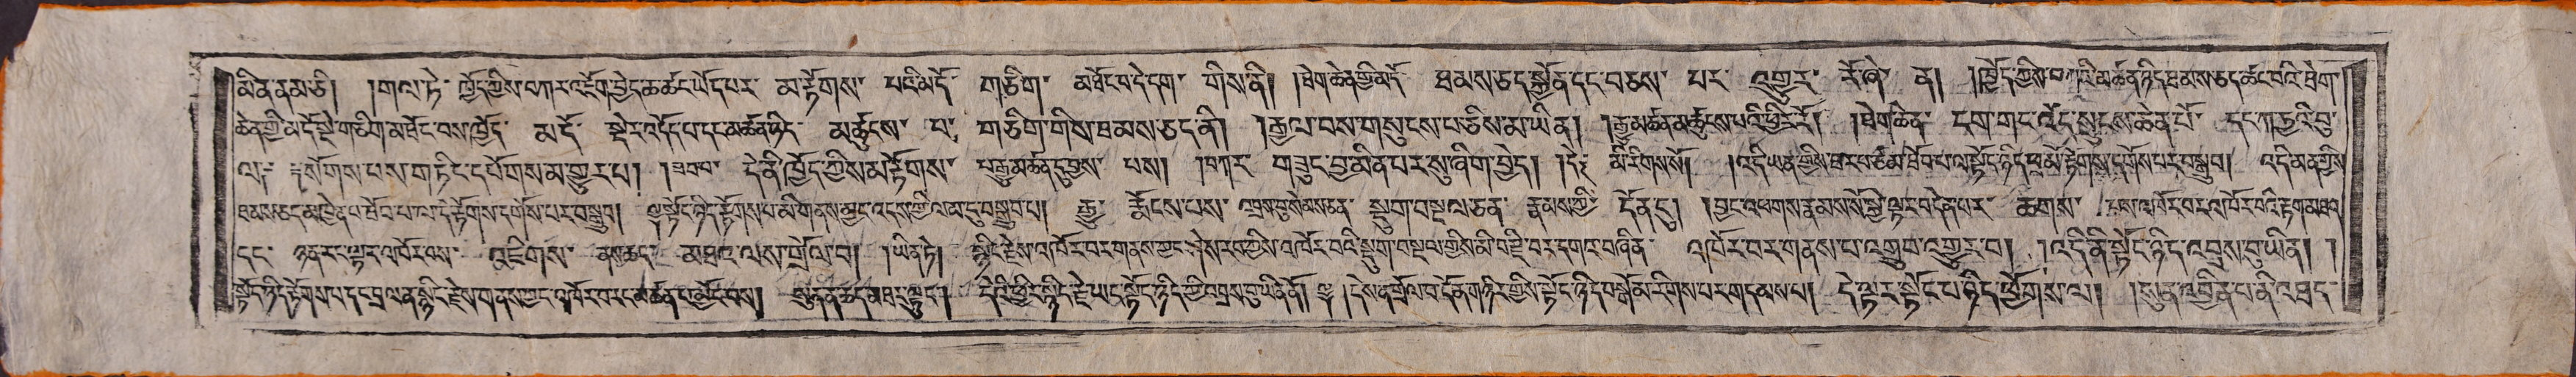མིན་ནམ་ཅི། །གལ་ཏེ་ཁྱོད་ཀྱིས་བཀར་འཇོག་བྱེད་ཆ་ཚང་ཡོད་པར་མ་རྟོགས་པའི་མདོ་གཅིག་མཐོང་བ་དེ་དག་གིས་ནི། །ཐེག་ཆེན་གྱི་མདོ་ཐམས་ཅད་སྐྱོན་དང་བཅས་པར་འགྱུར་རོ་ཞེ་ན། །ཁྱོད་ཀྱིས་བཀའི་མཚན་ཉིད་ཐམས་ཅད་ཚང་བའི་ཐེག་
ཆེན་གྱི་མདོ་སྡེ་གཅིག་མཐོང་བས་ཁྱོད་མདོ་སྡེར་འདོད་པ་དང་མཚན་ཉིད་མཚུངས་བ་གཅིག་གིས་ཐམས་ཅད་ནི། །རྒྱལ་བས་གསུངས་པ་ཅིས་མ་ཡིན། །རྒྱུ་མཚན་མཚུངས་པའི་ཕྱིར་རོ། །ཐེག་ཆེན་ངག་གང་འོད་སྲུངས་ཆེན་པོ་དང་ཀ་ཏྱཱའི་དུ
ལ༑ ༑སོགས་པས་གཏིང་དཔོགས་མ་གྱུར་པ། །ཟབ་པ་དེ་ནི་ཁྱོད་ཀྱིས་མ་རྟོགས་པ་རྒྱུ་མཚན་དུ་བྱས་པས། །བཀར་གཟུང་བྱ་མིན་པར་སུ་ཞིག་བྱེད། །དེ༑ མི་རིགས་སོ། །འདི་ཡན་ཕྱིས་ཐར་པ་ཙམ་ཐོབ་པ་ལ་སྟོང་ཉིད་ཕྲ་མོ་རྟོགས་དགོས་པར་བསྒྲུབ། འདི་མིན་གྱིས་
ཐམས་ཅད་མཁྱེན་པ་ཐོབ་པ་ལ་དེ་རྟོགས་དགོས་པར་བསྒྲུབ། ༈ སྟོང་ཉིད་རྟོགས་པ་མི་གནས་མྱང་འདས་ཀྱི་ལམ་དུ་བསྒྲུབ་པ། རྒྱུ་རྨོངས་པས་འབྲས་བུ་སེམས་ཅན་སྡུག་བསྔལ་ཅན་རྣམས་ཀྱི་དོན་དུ། །བྱང་འཕགས་རྣམས་སོ་སྐྱེ་ལྟར་བདེན་པར་ཆགས་པས་འཁོར་བར་འཁོར་བའི་རྟག་མཐའ
དང་ཉན་རང་ལྟར་འཁོར་བས་འཇིགས་ནས་ཆད་མཐའ་ལས་གྲོལ་བ། །ཡིན་ཏེ། སྙིང་རྗེས་འཁོར་བར་གནས་ཀྱང་ཤེས་རབ་ཀྱིས་འཁོར་བའི་སྡུག་བསྔལ་གྱིས་མི་བརྗི་བར་དགའ་བཞིན་འཁོར་བར་གནས་པ་འགྲུབ་འགྱུར་བ། །འདི་ནི་སྟོང་ཉིད་འབྲས་བུ་ཡིན། །
སྟོང་ཉིད་རྟོགས་པ་དང་བྲལ་ན་སྙིང་རྗེས་གནས་ཀྱང་འཁོར་བ་རང་མཚན་པ་མྱོང་བས། སུན་ན་ཆད་མཐར་ལྟུང་། དེའི་ཕྱིར་སྙིང་རྗེ་ཡང་སྟོང་ཉིད་ཀྱི་འབྲམ་བུ་ཡིན་ནོ། ༈ །དེས་ན་གྲོལ་བ་དོན་གཉེར་གྱིས་སྟོང་ཉིད་བསྒོམ་རིགས་པར་གདམས་པ།  དེ་ལྟར་སྟོང་པ་ཉིད་ཕྱོགས་ལ། །སུན་འབྱིན་པ་ནི་འཐད་